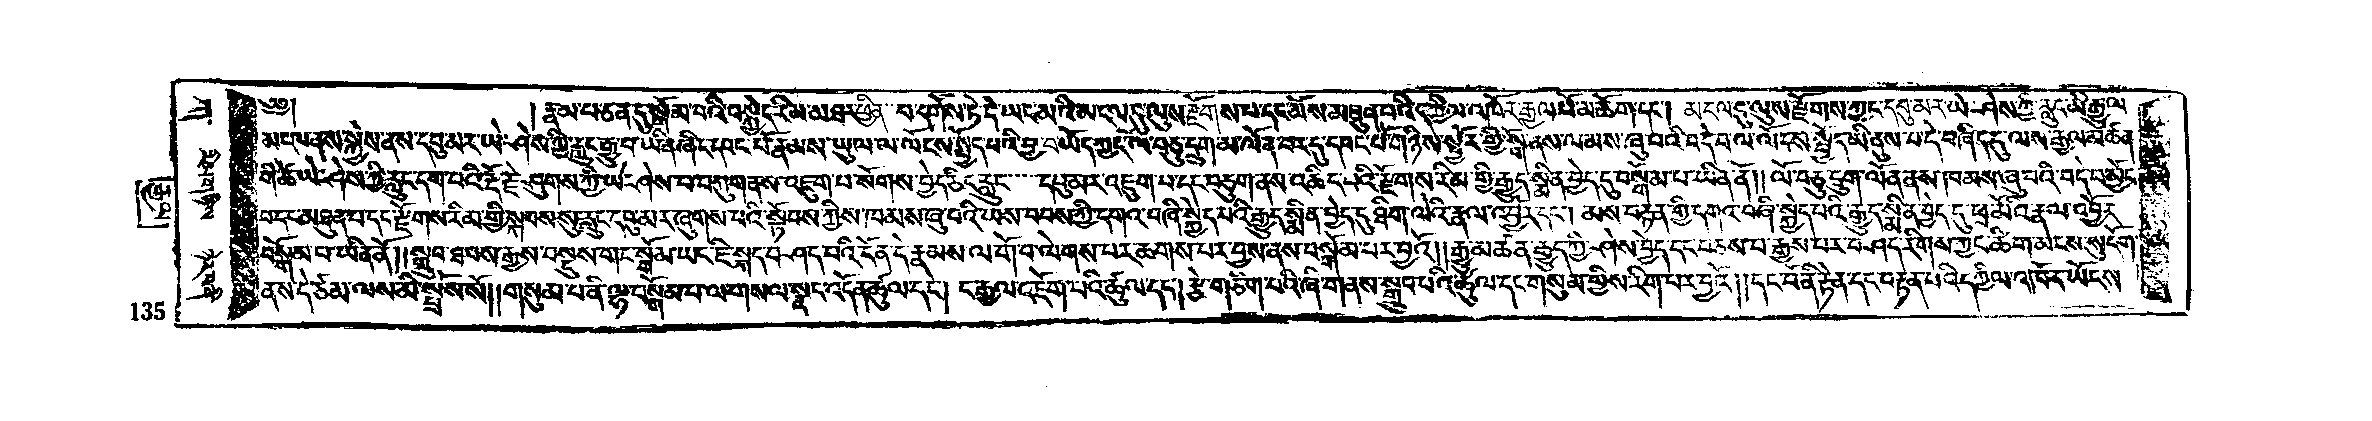༄༅། །རྣམ་པ་ཅན་དུ་སྒོམ་པའི་བསྐྱེད་རིམ་མཐར་ཕྱིན་པ་དགོས་ཏེ་དེ་ཡང་མའི་མངལ་དུ་ལུས་རྫོགས་པ་དང་མོས་མཐུན་པའི་དཀྱིལ་འཁོར་རྒྱལ་པོ་མཆོག་དང་། མངལ་དུ་ལུས་རྫོགས་ཀྱང་དབུ་མར་ཡེ་ཤེས་ཀྱི་རླུང་མི་རྒྱུ་ལ་
མངལ་ནས་སྐྱེས་ནས་དབུ་མར་ཡེ་ཤེས་ཀྱི་རླུང་རྒྱུ་བ་ཡིན་ཞིང་དབང་པོ་རྣམས་ཡུལ་ལ་ལོངས་སྤྱོད་པའི་བྱ་བ་ཡོད་ཀྱང་ལོ་བཅུ་དྲུག་མ་ལོན་བར་དུ་དབང་པོ་གཉིས་སྦྱོར་གྱི་སྒོ་ནས་ལ་མས་ཞུ་བའི་བདེ་བ་ལ་ལོངས་སྤྱོད་མི་ནུས་པ་དེ་བཞིན་དུ་ལས་རྒྱལ་མཚན་
གི་ཚེ་ཡེ་ཤེས་ཀྱི་རླུང་དག་པའི་རྡོ་རྗེ་ཤུགས་ཀྱི་ཡེ་ཤེས་པ་བཀུག་ནས་འཇུག་པ་སོགས་བྱེད་ཅིང་རླུང་དབུ་མར་འཇུག་པ་དང་བཅུག་ནས་འཆིད་པའི་རྫོགས་རིམ་གྱི་རྒྱུད་སྨིན་བྱེད་དུ་བསྒོམ་པ་ཡིན་ནོ། །ལོ་བཅུ་དྲུག་ལོན་ནས་ཁམས་ཞུ་བའི་བདེ་བ་མྱོང་
བ་དང་མཐུན་པ་དང་རྫོགས་རིམ་གྱི་སྐབས་སུ་རླུང་དབུ་མར་ཞུགས་པའི་སྟོབས་ཀྱིས་ཁམས་ཞུ་བའི་ཡས་བབས་ཀྱི་དགའ་བཞི་སྐྱེད་པའི་རྒྱུད་སྨིན་བྱེད་དུ་ཐིག་ལེའི་རྣལ་འབྱོར་དང་། མས་བརྟན་གྱི་དགའ་བཞི་སྐྱེད་པའི་རྒྱུད་སྨིན་བྱེད་དུ་ཕྲ་མོའི་རྣལ་འབྱོར་
བསྒོམ་པ་ཡིན་ནོ། །སྒྲུབ་ཐབས་རྒྱས་བསྡུས་གང་སྒོམ་ཡང་ཇི་སྐད་བཤད་པའི་དོན་དེ་རྣམས་ལ་གོ་བ་ལེགས་པར་ཆགས་པར་བྱས་ནས་བསྒོམ་པར་བྱའོ། །རྒྱུ་མཚན་རྒྱུད་ཀྱི་ཤེས་བྱེད་དང་བཅས་པ་རྒྱས་པར་བཤད་རིགས་ཀྱང་ཚིག་མངས་སུ་དོག་
ནས་དེ་ཙམ་ལས་མི་སྤྲོས་སོ། །གསུམ་པ་ནི་ལྷ་བསྒོམ་པ་ལ་གསལ་སྣང་འདོན་ཚུལ་དང་། ང་རྒྱལ་འཇོག་པའི་ཚུལ་དང་། རྩེ་གཅིག་པའི་ཞི་གནས་སྒྲུབ་པའི་ཚུལ་དང་གསུམ་གྱིས་རིག་པར་བྱའོ། །དང་པོ་ནི་རྟེན་དང་བརྟན་པའི་དཀྱིལ་འཁོར་ཡོངས་